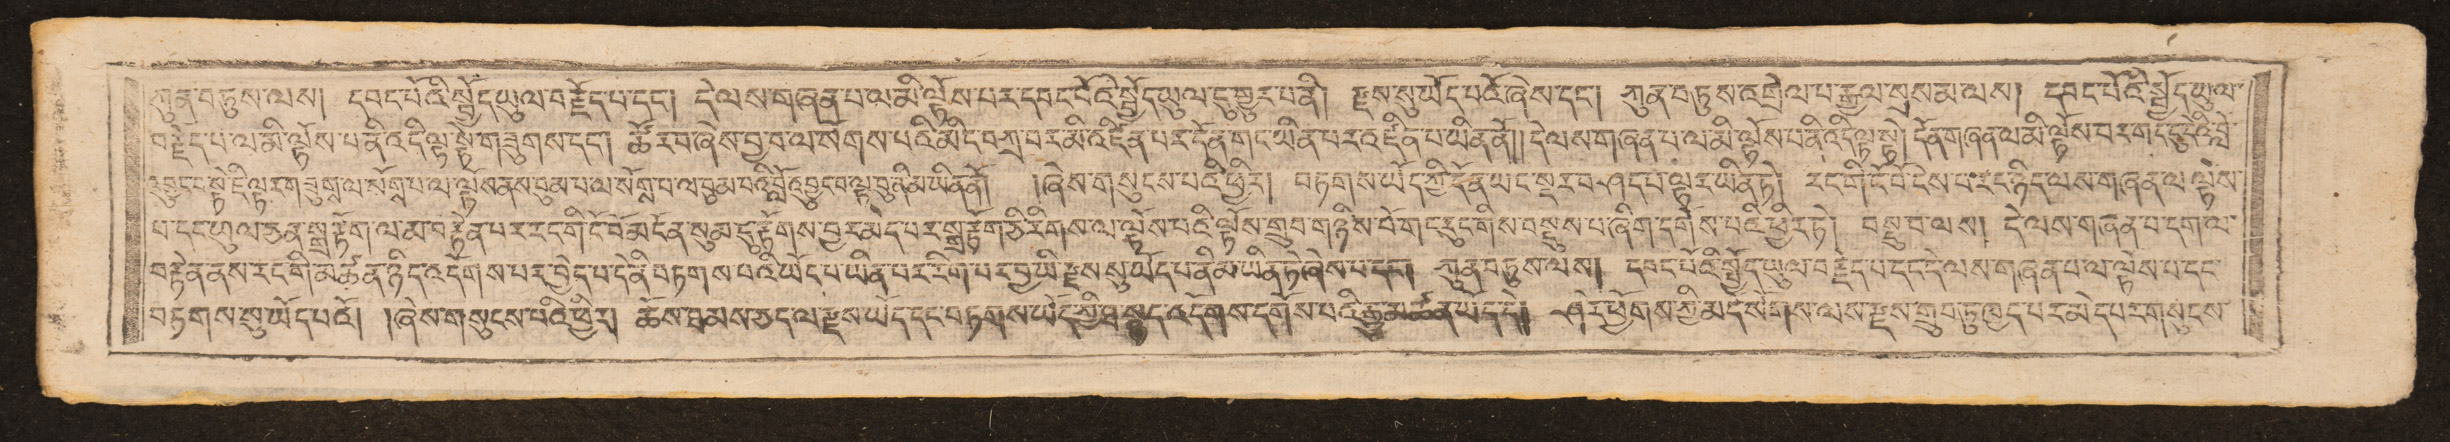ཀུན་བཏུས་ལས། དབང་པོའི་སྤྱོད་ཡུལ་བརྗོད་པ་དང་། དེ་ལས་གཞན་པ་ལ་མི་ལྟོས་པར་དབང་པོའི་སྤྱོད་ཡུལ་དུ་གྱུར་བ་ནི། རྫས་སུ་ཡོད་པའོ་ཞེས་དང་། ཀུན་བཏུས་འགྲེལ་བ་རྒྱལ་སྲས་མ་ལས། དབང་པོའི་སྤྱོད་ཡུལ་
བརྗོད་པ་ལ་མི་ལྟོས་པ་ནི་འདི་ལྟ་སྟེ་གཟུགས་དང་། ཚོར་བ་ཞེས་བྱ་བ་ལ་སོགས་པའི་མིང་བཀྲ་བར་མི་འཛིན་པར་དོན་གང་ཡིན་པར་འཛིན་པ་ཡིན་ནོ། །དེ་ལས་གཞན་པ་ལ་མི་ལྟོས་པ་ནི་འདི་ལྟ་སྟེ། དོན་གཞན་ལ་མི་ལྟོས་པར་གང་དུ་དེའི་བློ་
འབྱུང་བ་སྟེ་ཇི་ལྟར་གཟུགས་ལ་སོགས་པ་ལ་ལྟོས་ནས་བུམ་པ་ལ་སོགས་པ་ལ་བུམ་པའི་བློ་འབྱུང་བ་ལྟ་བུ་ནི་མ་ཡིན་ནོ། །ཞེས་གསུངས་པའི་ཕྱིར། བཏགས་ཡོད་ཀྱི་དོན་ཡང་སྔར་བཤད་པ་ལྟར་ཡིན་ཏེ། རང་གི་ངོ་བོ་ངེས་པ་རང་ཉིད་ལས་གཞན་ལ་ལྟས་
པ་དང་ཡུལ་ཅན་སྒྲ་རྟོག་ལ་མ་བརྟེན་པར་རང་གི་ངོ་བོ་མངོན་སུམ་དུ་རྟོགས་བྱར་མེད་པར་སྒྲ་རྟོག་ཅི་རིགས་ལ་ལྟོས་པའི་ལྟོས་གྲུབ་གཉིས་པོ་གང་རུང་གིས་བསྡུས་པ་ཞིག་དགོས་པའི་ཕྱིར་ཏེ། བསྡུ་བ་ལས། དེ་ལས་གཞན་པ་དག་ལ་
བརྟེན་ནས་རང་གི་མཚན་ཉིད་འདོགས་པར་བྱེད་པ་དེ་ནི་བཏགས་པའི་ཡོད་པ་ཡིན་པར་རིག་པར་བྱ་ཡི་རྫས་སུ་ཡོད་པ་ནི་མ་ཡིན་ཏེ་ཞེས་པ་དང་། ཀུན་བཏུས་ལས། དབང་པོའི་སྤྱོད་ཡུལ་བརྗེད་པ་དང་དེ་ལས་གཞན་པ་ལ་ལྟོས་པ་དང་
བཏགས་སུ་ཡོད་པའོ། །ཞེས་གསུངས་པའི་ཕྱིར། ཆོས་ཐམས་ཅད་ལ་རྫས་ཡོད་དང་བཏགས་ཡོད་ཀྱི་ཐ་སྙད་འདོགས་དགོས་པའི་རྒྱུ་མཚན་ཡོད་དེ། ཤེར་ཕྱོགས་ཀྱི་མདོ་སོགས་ལས་རྫས་གྲུབ་ཏུ་ཁྱད་པར་མེད་པར་གསུངས་